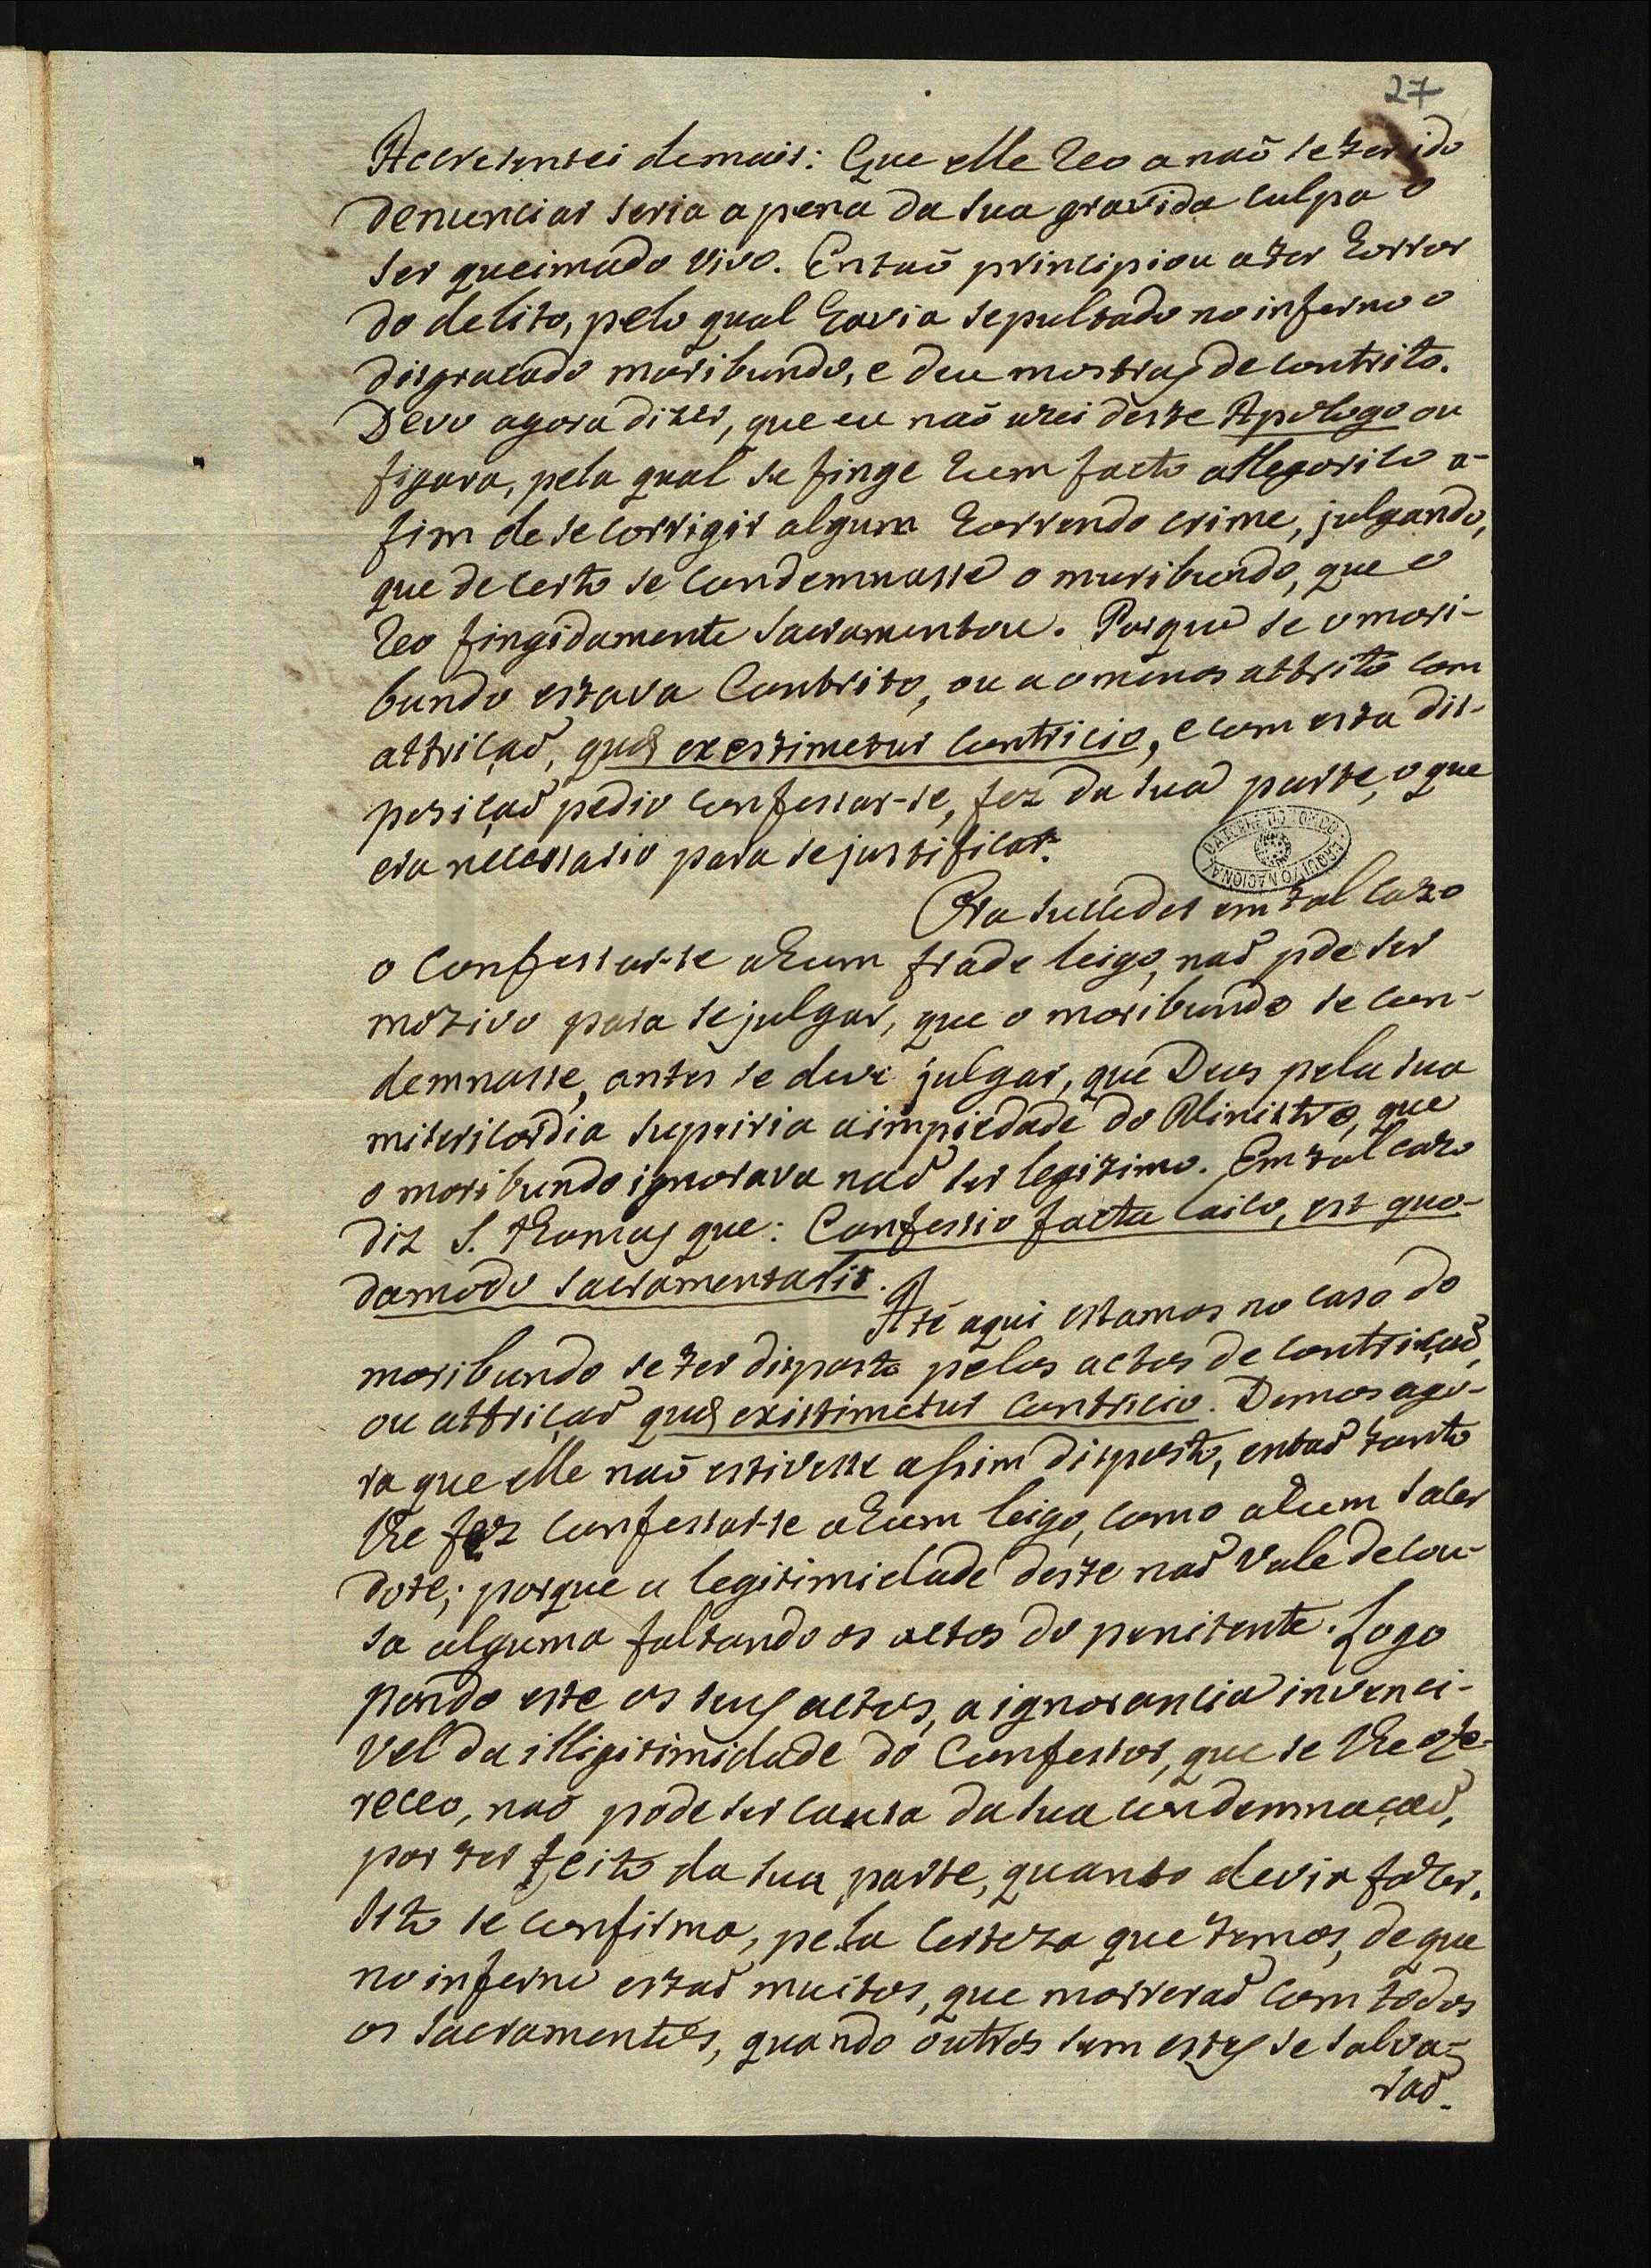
Accresentei de mais: Que elle Reo a naõ se ter ido
denunciar seria a pena da sua gravida culpa o
ser queimado vivo. Entaõ principiou a ter horror
do delito, pelo qual havia sepultado no inferno o
disgraçado moribundo, e deu mostras de contrito.
Deve agora dizer, que eu naõ uzei deste Apologo ou
figura, pela qual se finge hum facto allegorico a
fim de se corrigir algum horrendo crime, julgando,
que de certo se condemnasse o muribundo, que o
Reo fingidamente sacramentou. Porque se o mori
bundo estava Contrito, ou ao menos attrito com
attriçaõ, que exestimetur contricio, e com esta dis
posiçaõ pediu confessar-se, fez da sua parte, o que
era necessario para se justificar.
Pra succeder em tal cazo
o confessar-se a hum frade leigo, naõ pde ser
motivo para se julgar, que o moribundo se cun
demnasse, antes se deve julgar, que Deos pela sua
misericordia supriria a impiedade do Ministro, que
o moribundo ignorava naõ ser legitimo. Em tal cazo
diz S. thomas que: Confessio facta laico est quo
da modo sacramentalis.
Até aqui estamos no caso do
moribundo se ter disposto pelos actos de contriçaõ,
ou attriçaõ quæ existimetur contricio. Damos ago
ra que elle naõ estivesse assim disposto, entaõ tanto
lhe fez confessar-se a hum leigo, como a hum saCer
dote; porque a legitimidade deste naõ vale de cou
sa alguma faltando os actos do penitente. Logo
pondo este os seus actos, a ignorancia invenci
vel da illigitimidade do Confessor, que se lhe ofe
receo, naõ pode ser causa da sua condemnaçaõ,
por ter feito da sua parte, quanto devia fazer.
Isto se confirma, pela certeza que temos, de que
no inferno estaõ muitos, que morreraõ com todos
os sacramentos, quando outros sem estes se salva
raõ.
